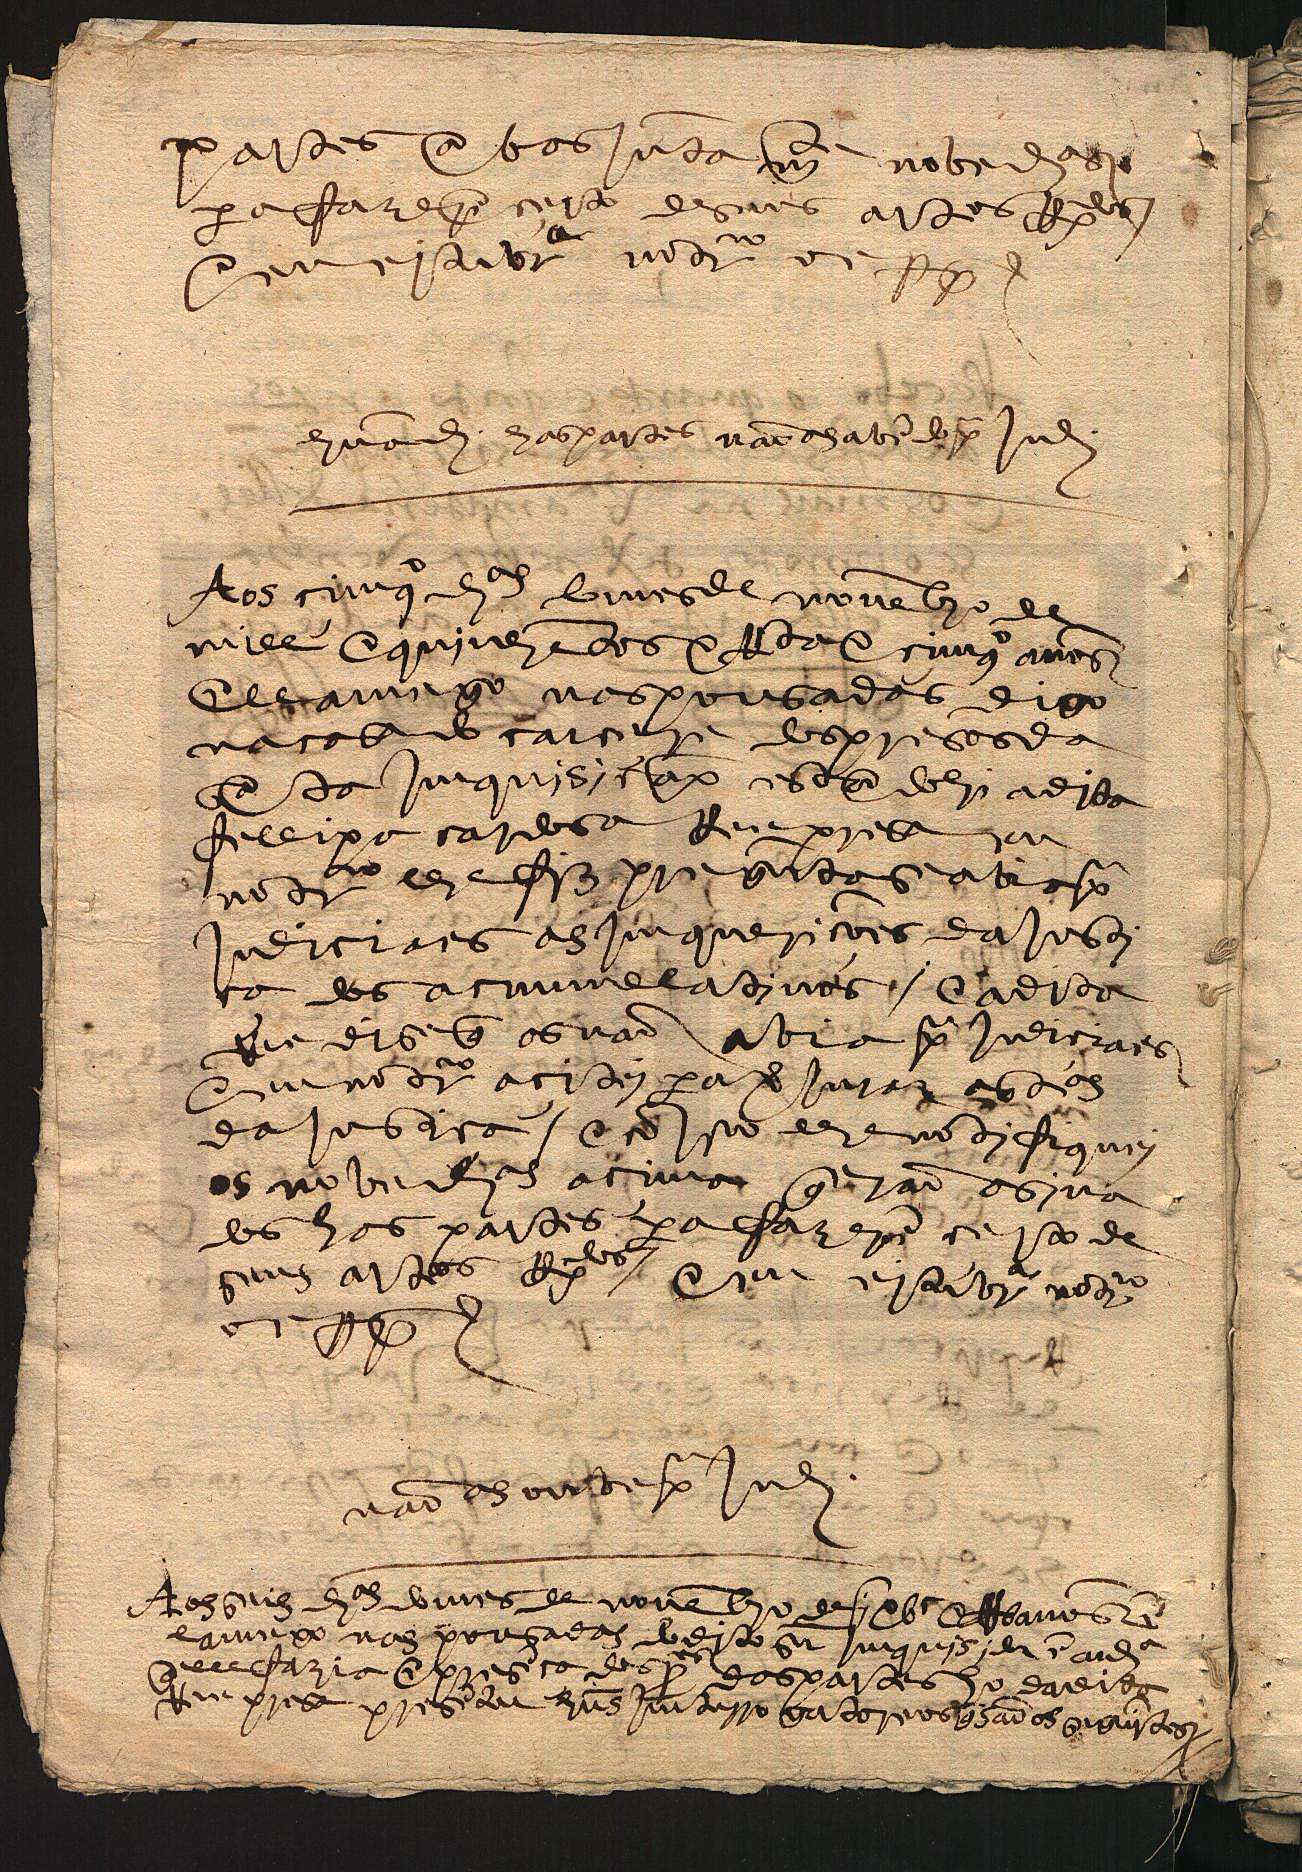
partes ābas Jūtamte nove djas
ꝑa fazerē çerto de seus artos Rꝭdos /
e eu ejtor vra notrro o estp̄
huā dja has partes não as aver̄do p̄ Judj.
Aos çimqo djas do mes de noūebro de
mill e qujnhētos e Rta e çimqo anōs
ē llamego nas pousadas digo
na casa do carçere dos presos da
sāta Jmqujsjcão estādo hi a djta
fellipa cardosa Ree presa eu
notrro lhe fjz preḡuta se avia p̄
Judiciaes as Jmquerições da Justj
ça dos acumullatjuos / e a dita
Ree dise q̄ as não avia p̄ Judiçiaes
e eu notrro a çitej ꝑa ꝟ Jurar as tas
da Justiça / e cō Jso lhe notjfiquej
os nove djas açima q̄ erão asjna
dos has partes ꝑa fazerē çerto de
seus artos Rꝭdos / e eu ejtor vra notro
o estp̄
não as ouve p̄ Judj
Aos seis djas do mes de nouēbro de j̄ e bc Rb anos̄ ē
lamego nas pousadas do djto s̄or Jmqujsjdor ē audja
q̄ elle fazia ē presēça dos ꝓes das partes ho da dita
Ree presa presētou hūs Jmterrogatoreos q̄ são os seguj̄tes
